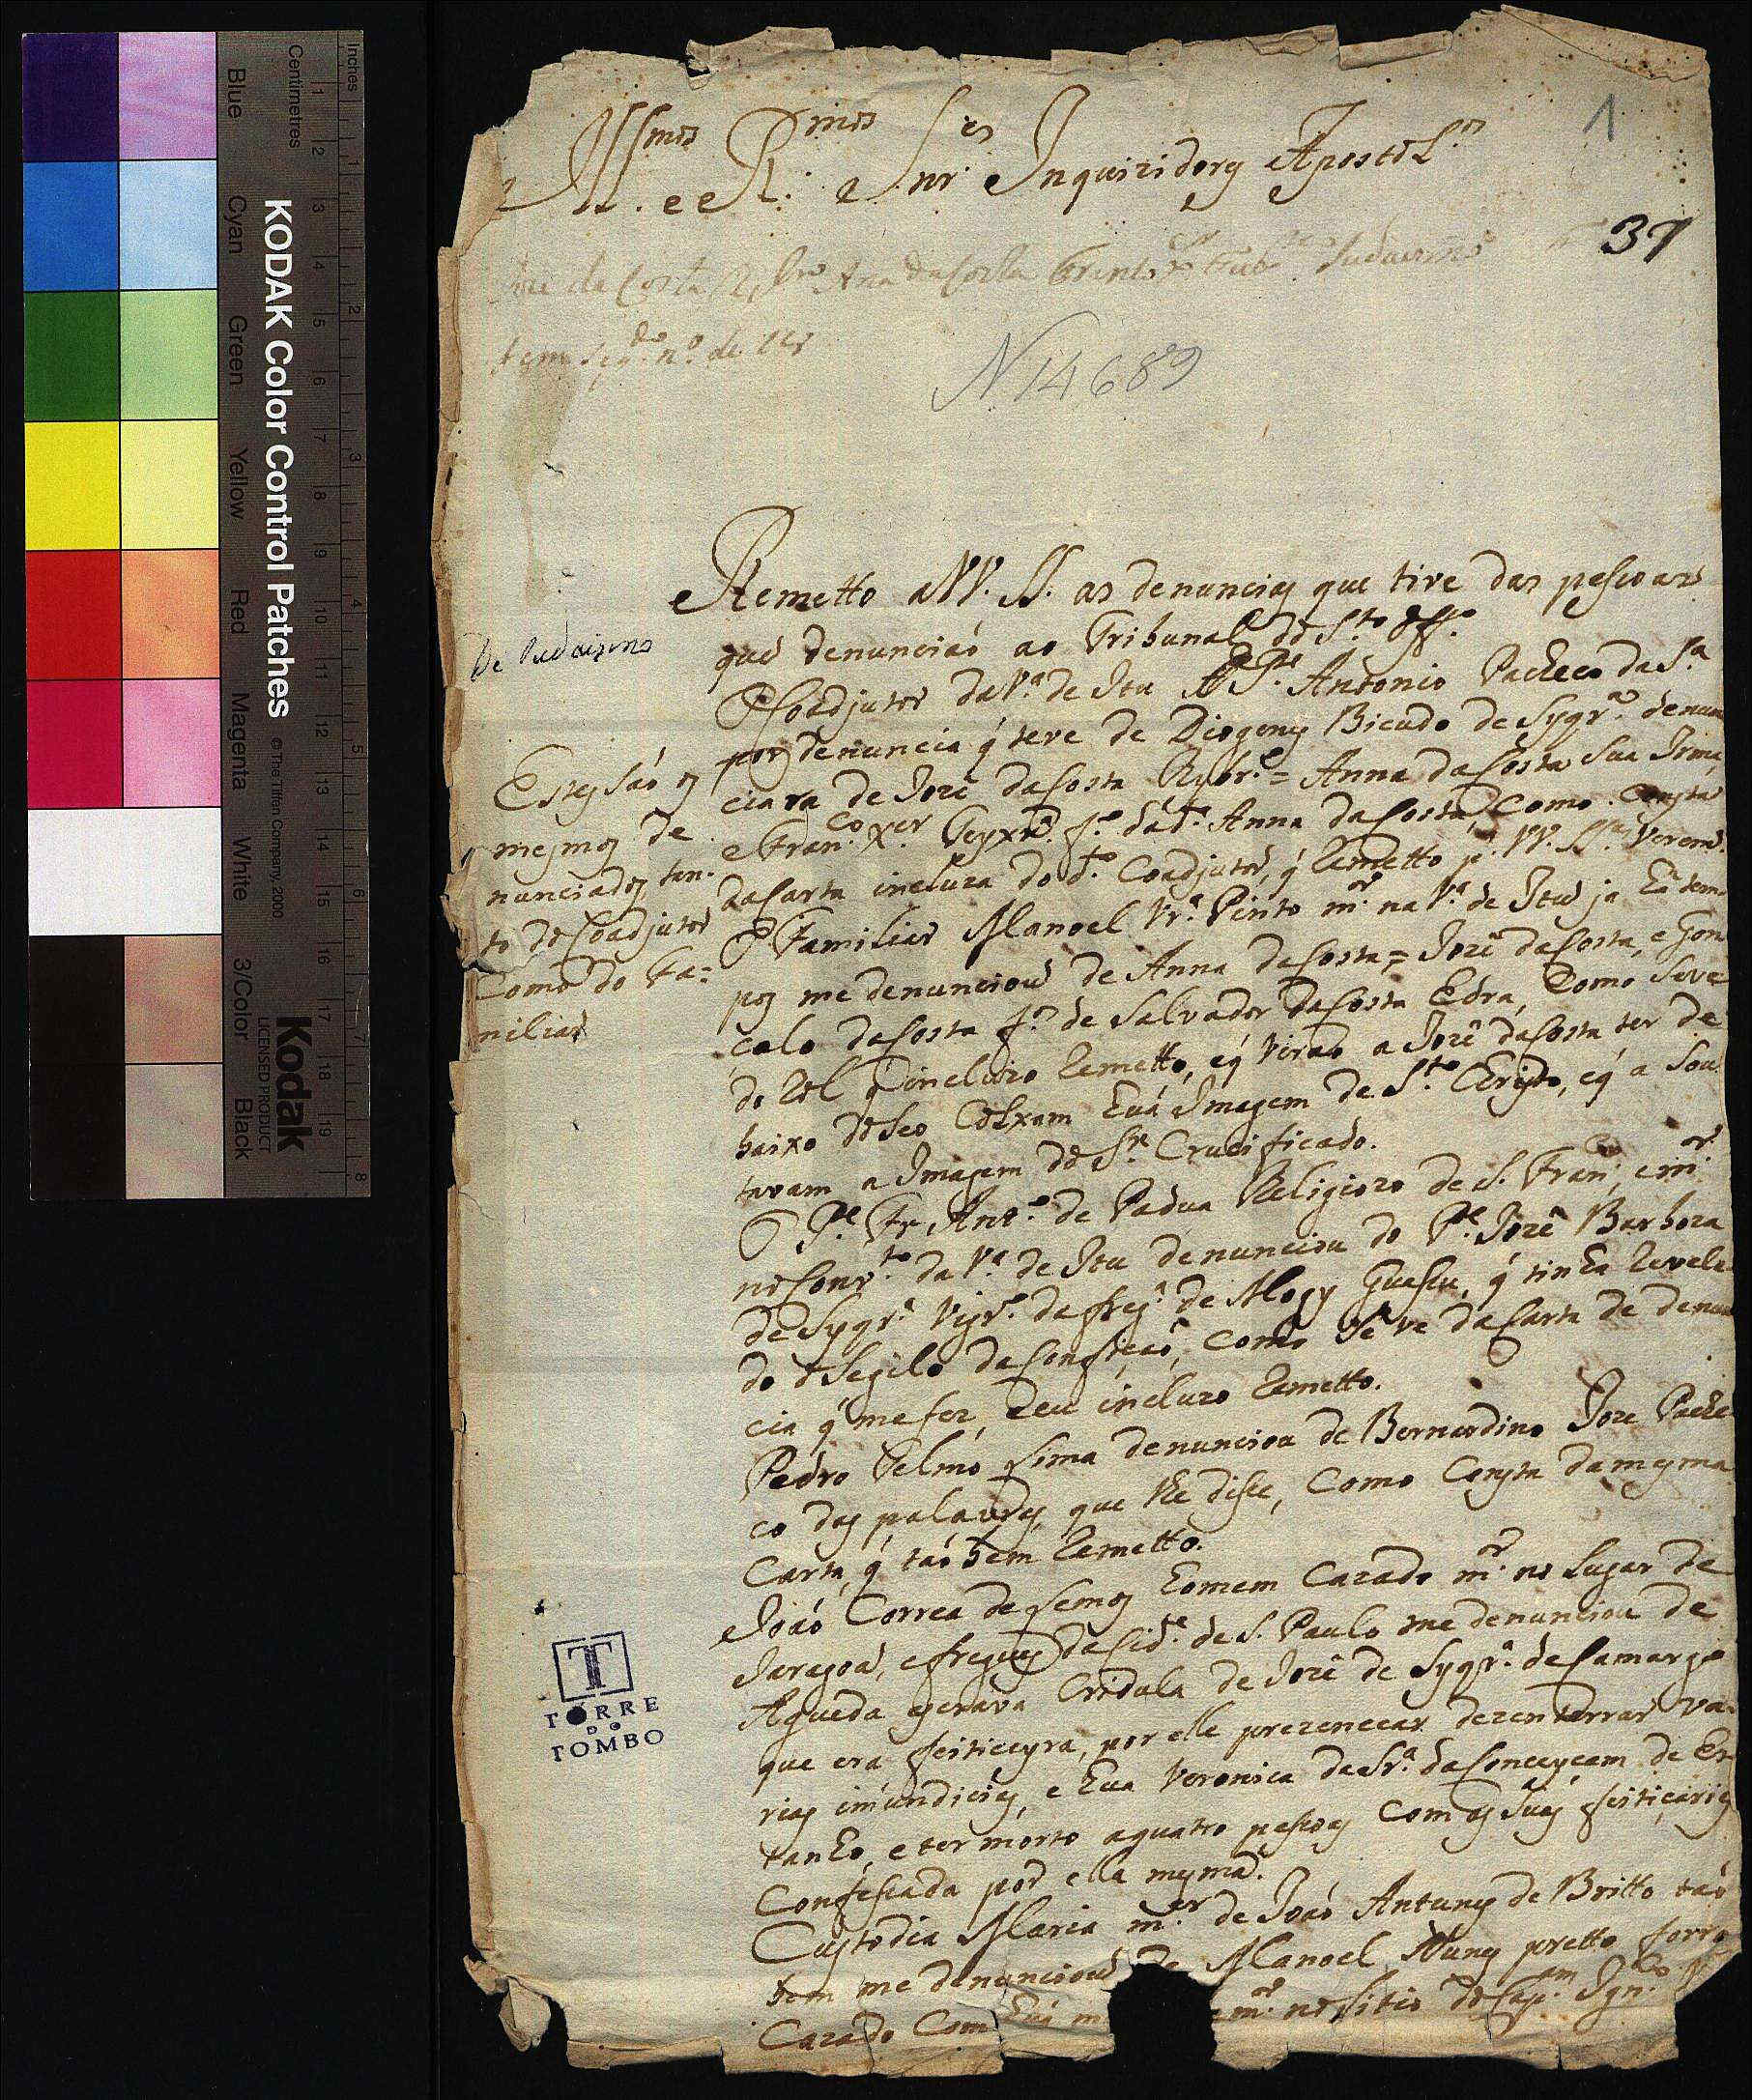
Ill.mos e R.mos Snr.es Inquizidores ApostoL.os
Ioze da Costa Rib.ro Ana da Costa Franc.o X.er Teix.ra Iudaismo
em seg.do n.o de 14
37
De Iudaismo
Estes saõ os
mesmos de
nunciados tan
to do Coadjutor
Como do Fa
miliar
Remetto a VV. SS as denuncias que tive das pessoas
que denunciaõ ao Tribunal do S.to Off.o
O Coadjutor da V.a de Itu O P.e Antonio Pacheco da S.a
por denuncia q̄ teve de Diogenes Bicudo de Syqr.a denun
ciara de Iozé da Costa Rybr.o = Anna da Costa Sua Irma,
Fran.co X.er Teyxr.a f.o da d.a Anna da Costa, como. consta
da Carta incluza do d̄.o Coadjutor, q̄ Remetto p. VV. SS.as Verem
O Familiar Manoel Vr.a Pinto m.or na V.a de Itu já hâ tem
poz me denunciou de Anna da Costa= Iozé da Costa, e Gon
çalo da Costa f.os de Salvador da Costa Edra, Como se ve
do Rol q̄ incluzo Remetto, e q̄ viraõ a Iozé da Costa ter de
baixo do seo Colxam huā Imagem de S.to Christo, e q̄ aSou
tavam a Imagem do S.r Crucificado.
O P.e Fr. Ant.o de Padua Religiozo de S. Fran.co e m.r
no Conv.to da V.a de Itu denunciou do P.e Iozé Barboza
de Syqr.a Vigr.o de frega de Mogy Guassu, q̄ tinha Revela
do o Segilo da Confiçaõ como se ve da Carta de denun
cia q̄ me fez e eu incluzo Remetto.
Pedro Telmo Lima denunciou de Bernardino Ioze Pache
co das palavras que lhe disse como consta da mesma
Carta q̄ taõbem Remetto.
Ioaõ Correa de Lemos homem cazado m.or no Lugar de
Iaragoa, e freguez da Cid.e de S. Paulo me denunciou de
Agueda escrava Crioula de Iozé de Syqr.a de Camargo
que era feiticeyra, por elle prezencear dezenterrar va
rias imundicias, e hua Veronica da Sr.a da Conceyçam de Es
tanho, e ter morto a quatro pessoas com as suas feiticarias
Confessada por ella mesma.
Custodia Maria m.er de Ioaõ Antunes de Britto taõ
bem me denunciou de Manoel Nunes pretto forro
cazado com hua m
m.or no Sitio do Cap.am Ign.co
